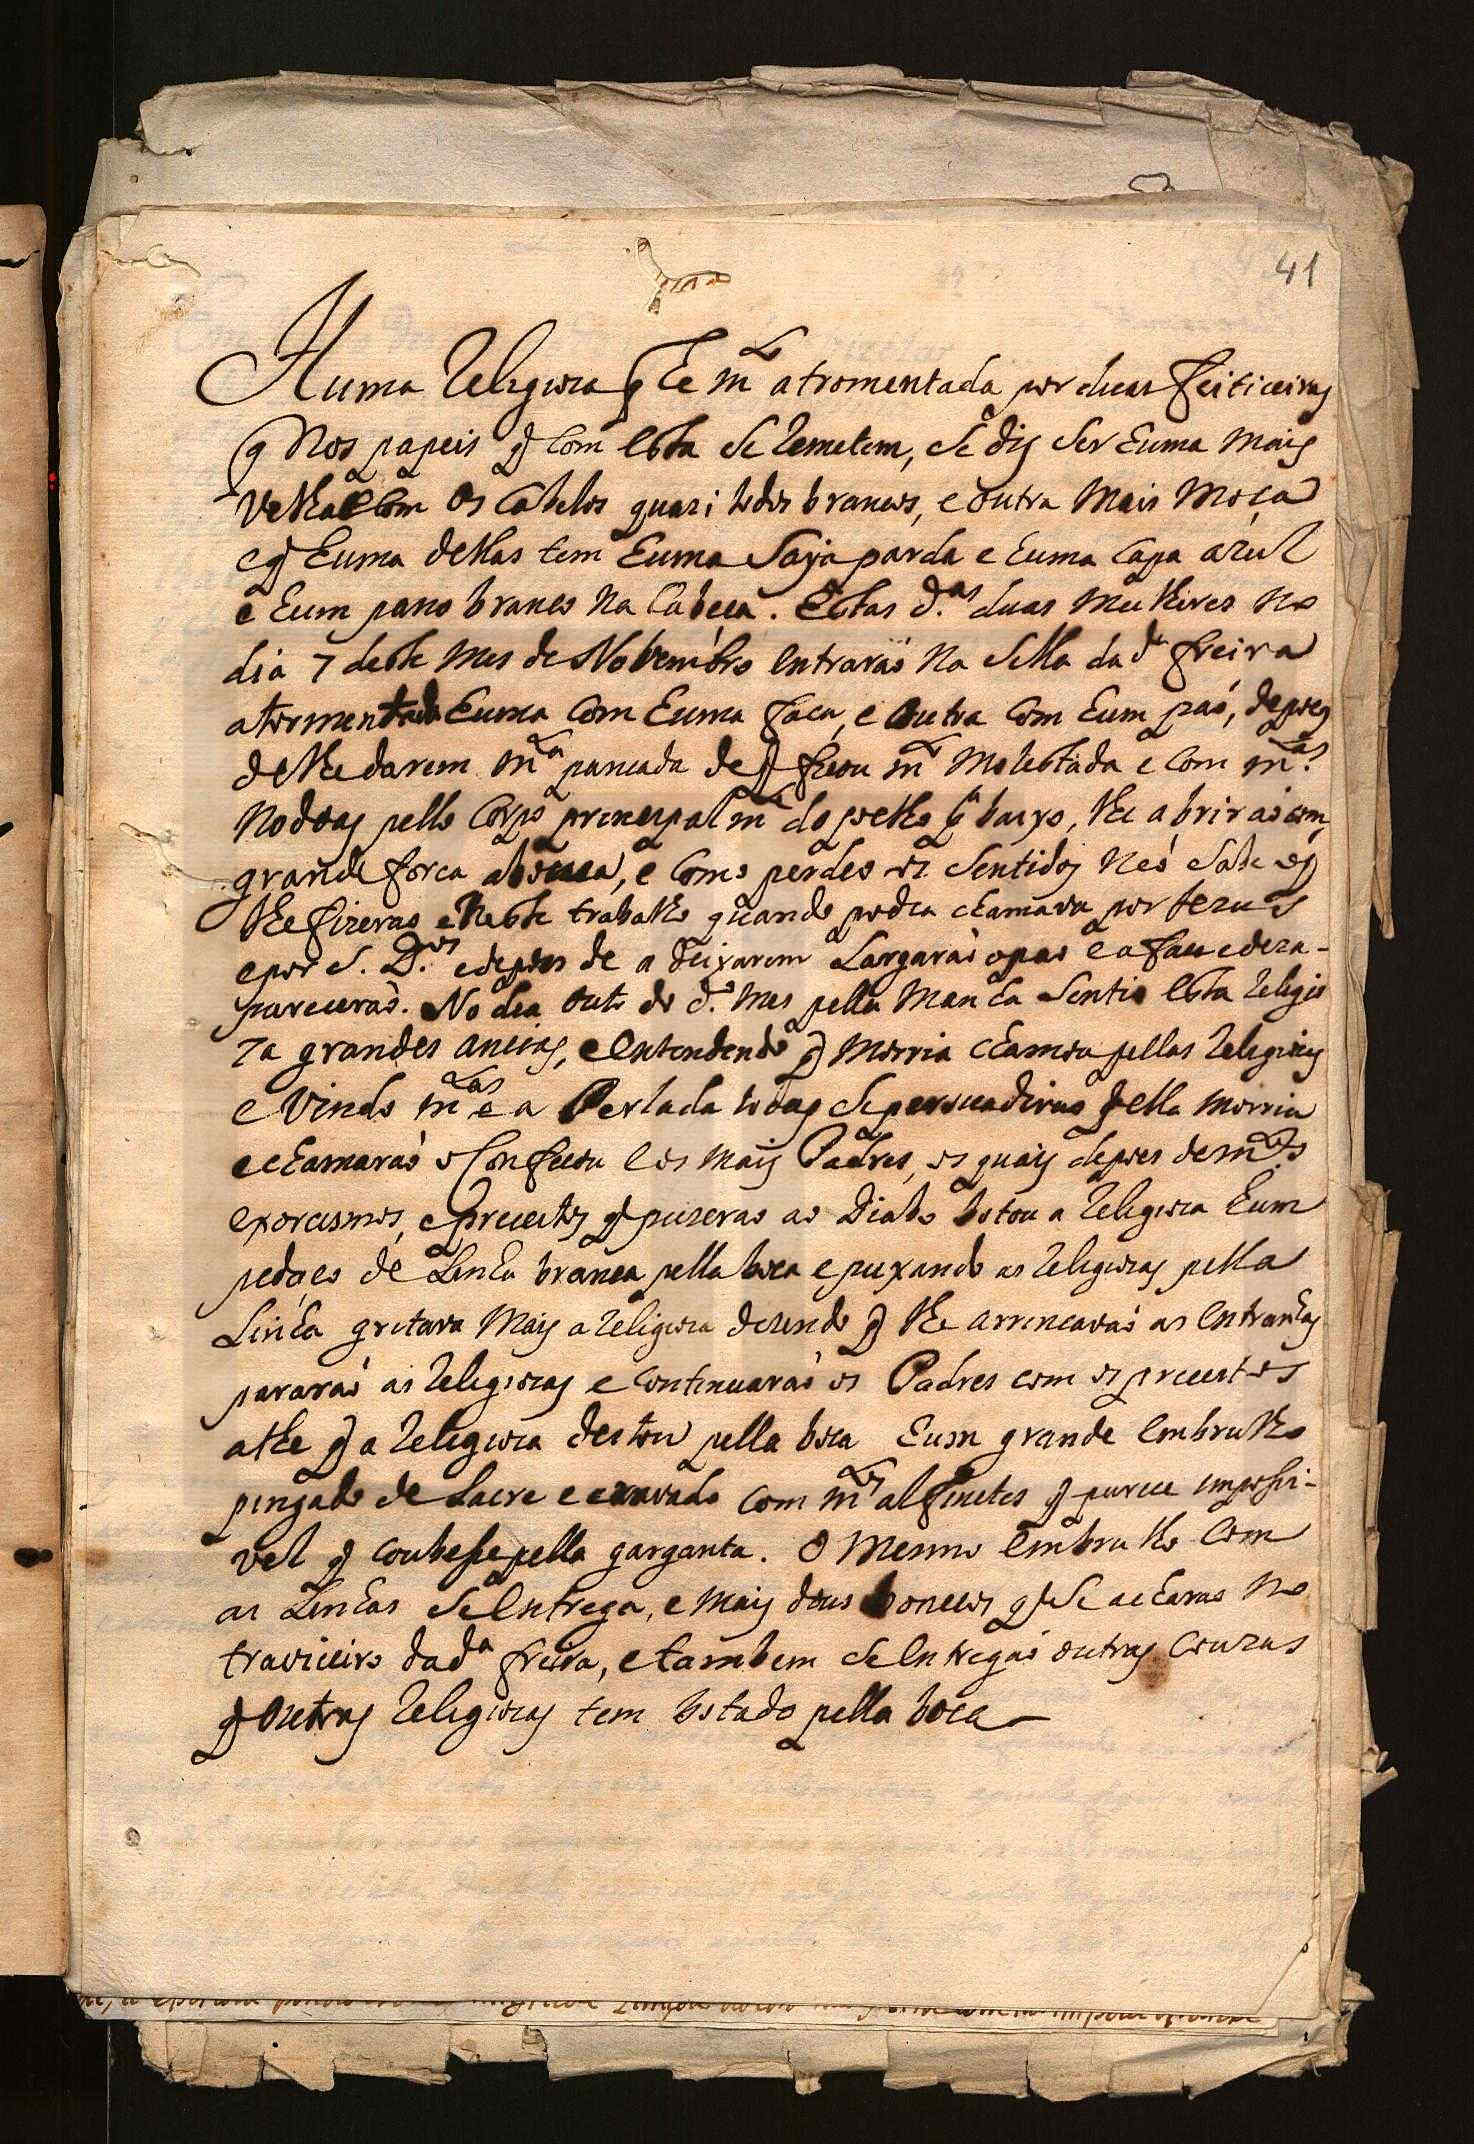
Huma Religioza q̄ he mto atromentada por duas feiticeiras
q̄ nos papeis q̄ com esta se Remetem, se dis ser huma mais
velha e com os Cabelos quazi todos brancos, e outra mais moça
e q̄ huma dellas tem huma saya parda e huma capa azul
e hum pano branco na cabeça. Estas d.as duas mulheres no
dia 7 deste mes de Novembro entraraõ na sella da da freira
atormentada huma com huma faca, e outra com hum paó, depoes
de lhe darem mta pancada de q̄ ficou mto molestada e com m.tas
nodoas pello Corpo principalmte do joelho pa baixo, lhe abriraõ com
grande força a bocaca, e Como perdeo os sentidos naõ sabe o q̄
lhe fizerao e neste trabalho quando podia chamava por Iezus
e por S. D.os e depoes de a deixarem Largaraõ o pao e a faca e deza
pareceraõ. No dia outo do d.o mes pella manha sentio esta Religio
za grandes ancias, e entendendo q̄ morria chamou pellas Religiozas
e vindo mtas e a Perlada todas se persuadirao q̄ ella morria
e chamaraõ o Confecou e os mais Padres, os quais depoes de mtos.
exorcismos, e preceitos q̄ puzerao ao Diabo botou a Religioza hum
pedaço de Linha branca pella boca e puxando as Religiozas pella
Linha gritava mais a Religioza dezendo q̄ lhe arrincavaõ as entranhas
pararaõ as Religiozas e continuaraõ os Padres com os preceitos
athe q̄ a Religioza deitou pella boca hum grande embrulho
pingado de Lacre, e cravado com m.tos alfinetes q̄ parece impossi
vel q̄ coubesse pella garganta. O mesmo embrulho com
as Linhas se entrega, e mais dous bonecos q̄ se acharao no
traviceiro da da freira, e tambem se entregaõ outras couzas
q̄ outras Religiozas tem botado pella boca
